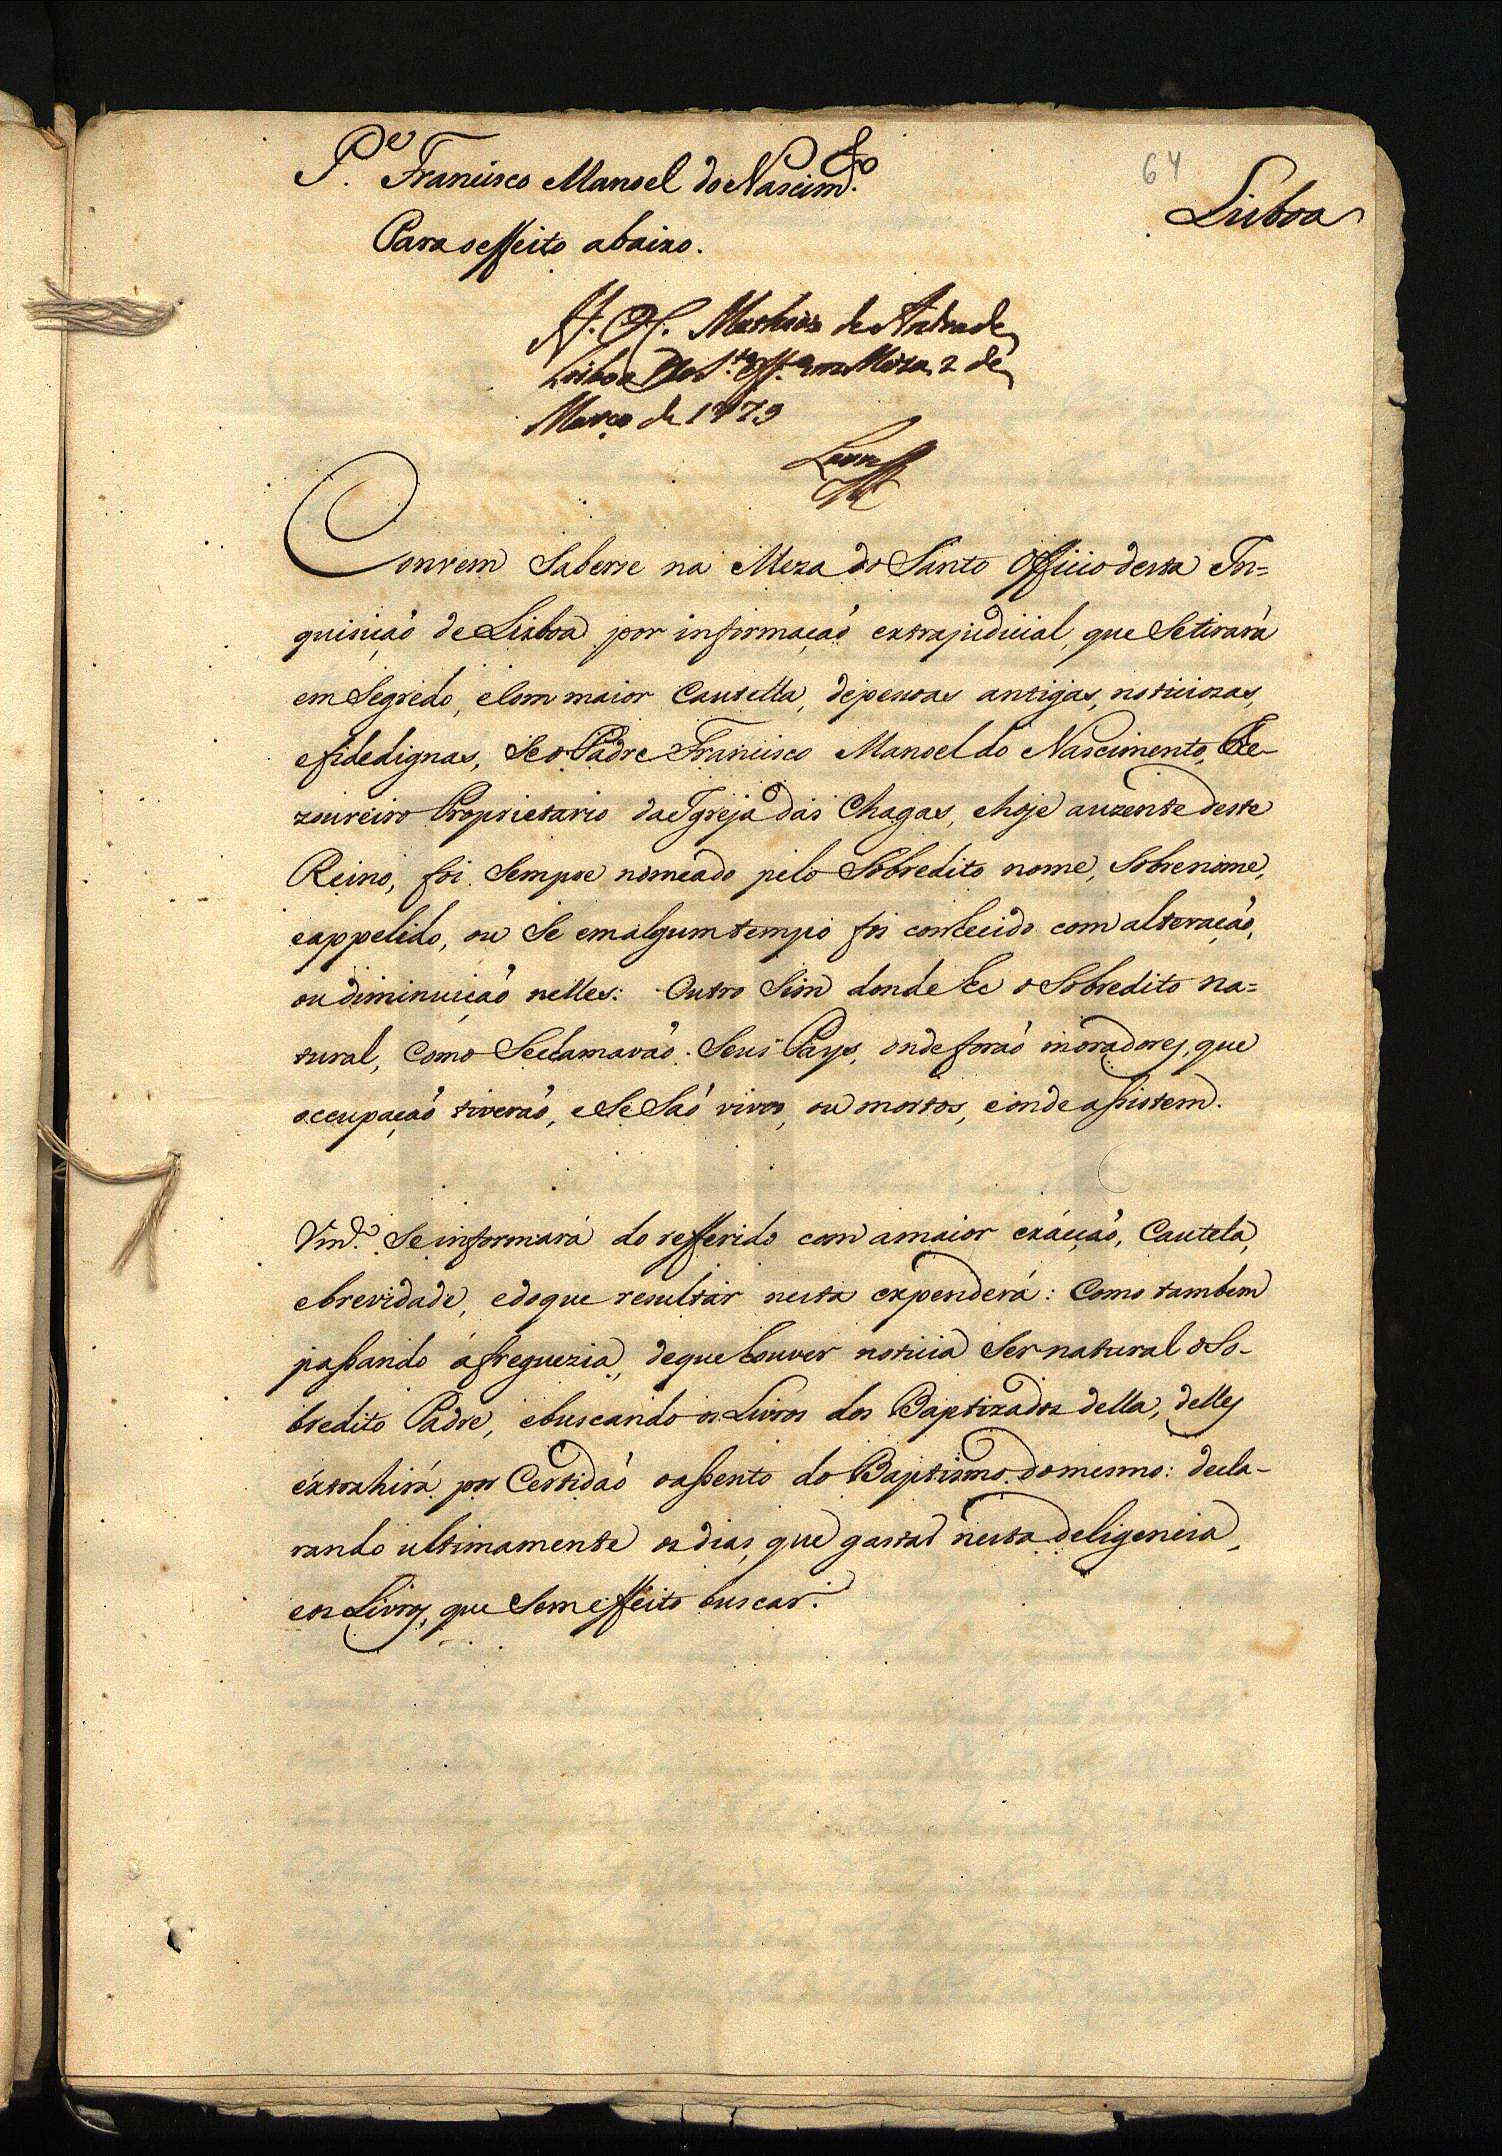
P.e Francisco Manoel do Nascim.to
Lisboa
Para o effeito abaixo.
H. OC. Mathias de Andrade
Lisboa No S.to off.o em Meza 2 de
Março de 1779
Larre
Convem Saberse na Meza do Santo Officio desta In
quisiçaõ de Lisboa por informaçaõ extrajudicial, que Se tirará
em Segredo, e com maior Cautella, de pessoas antigas, noticiozas,
e fidedignas, se o Padre Francisco Manoel do Nascimento, The
zoureiro Proprietario da Igreja das Chagas, e hoje auzente deste
Reino, foi Sempre nomeado pelo Sobredito nome, Sobrenome,
e appelido, ou Se em algum tempo foi conhecido com alteraçaõ,
ou diminuiçaõ nelles: OutroSim donde he o Sobredito na
tural, como Se chamavaõ. Seus Pays, onde foraõ moradores, que
occupaçaõ tiveraõ, e Se Saõ vivos, ou mortos, e onde assistem.
Vm.ce se informará do referido com a maior exacçaõ, Cautela,
e brevidade, e do que resultar nesta expenderá: Como tambem
passando á freguezia, de que houver noticia Ser natural o So
bredito Padre, e buscando os Livros dos Baptizadoz della, delles
extrahirá por Certidaõ o assento do Baptismo do mesmo: decla
rando ultimamente os dias, que gastar nesta deligencia,
e os Livros, que Sem effeito buscar.
